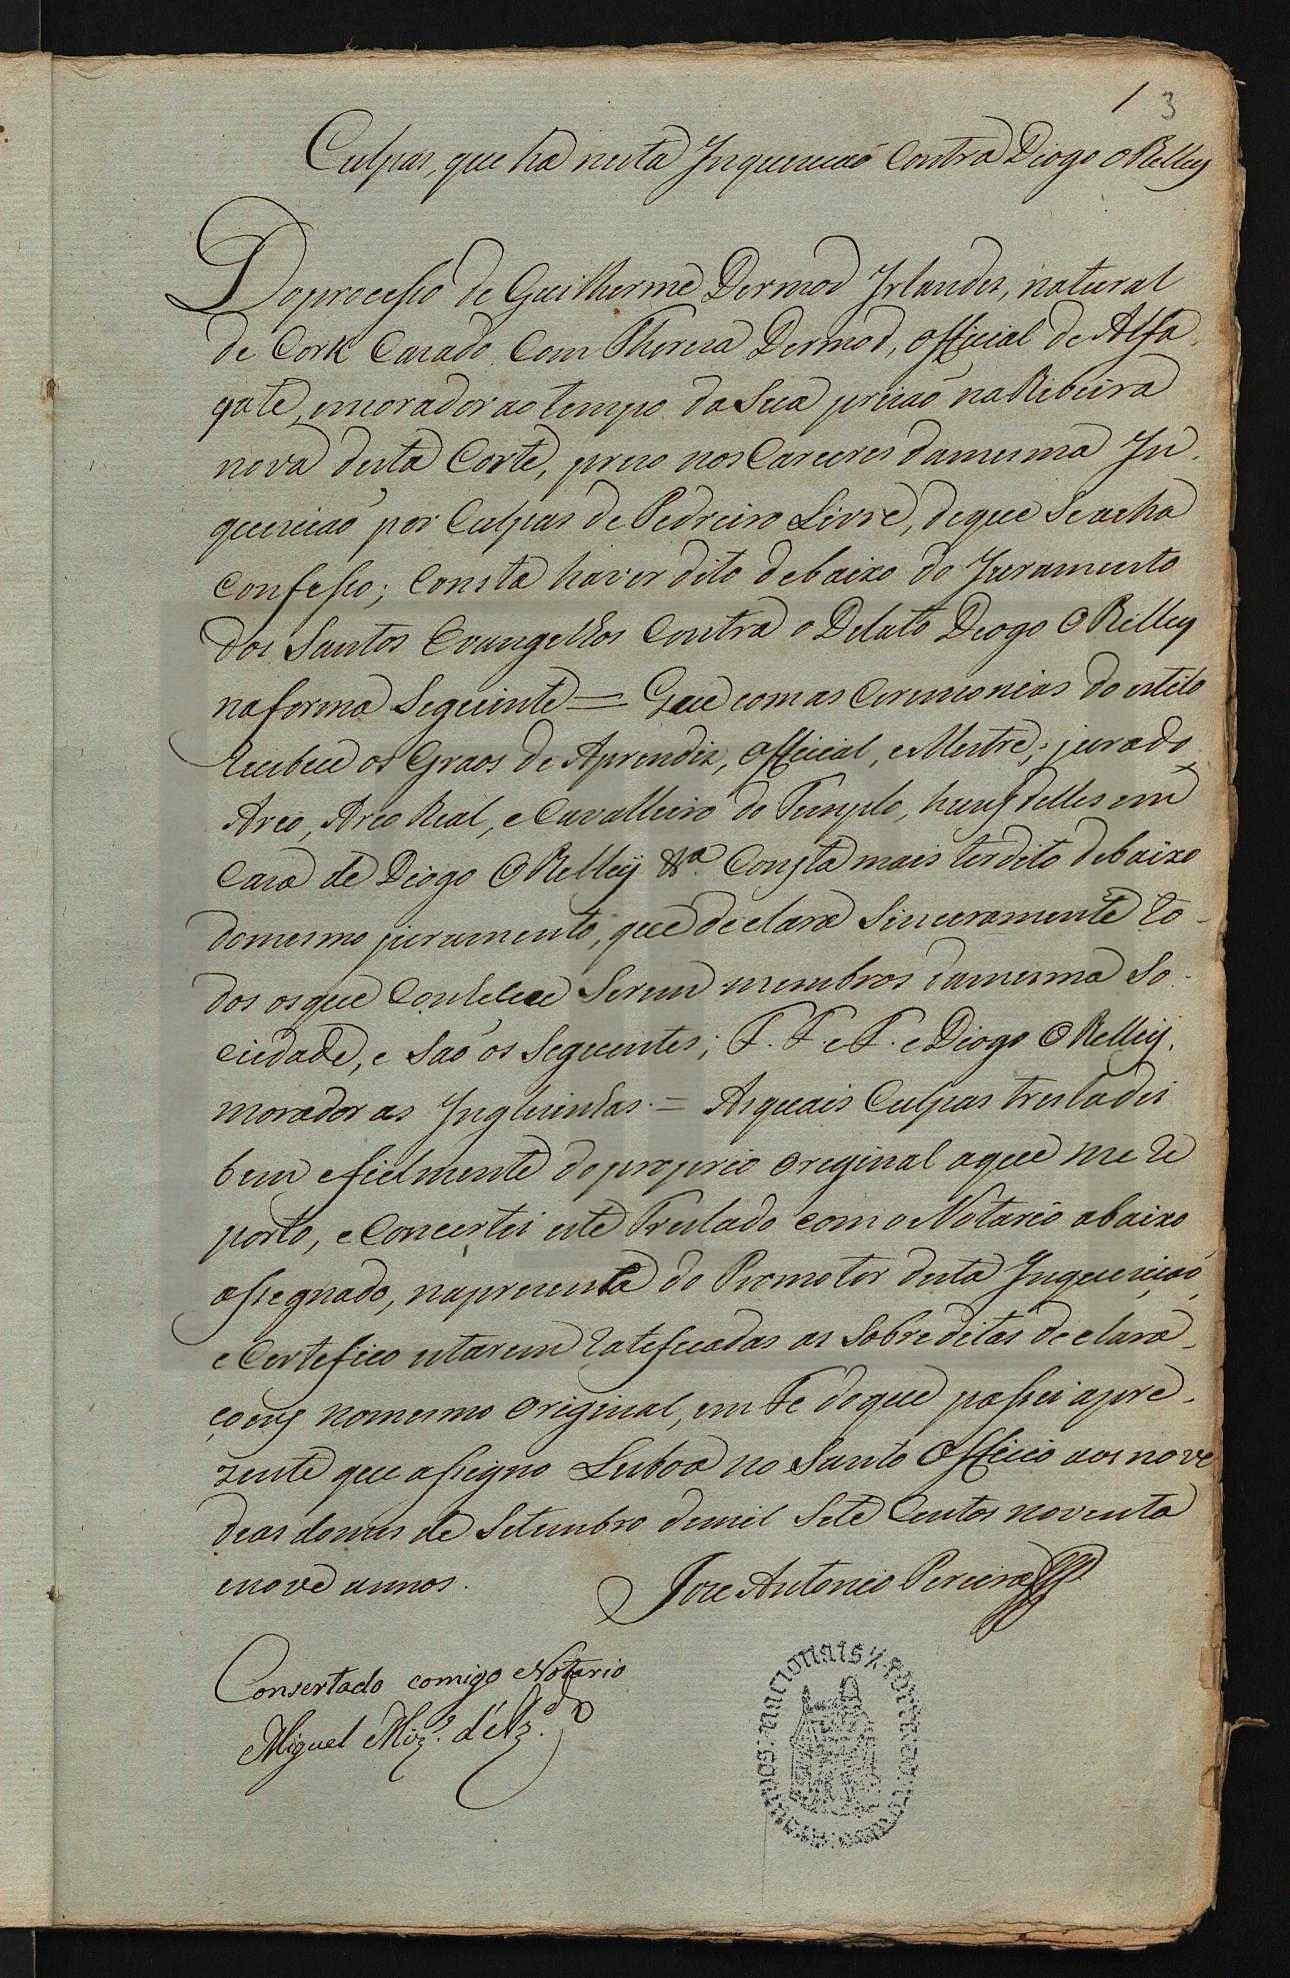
Culpas, que ha nesta Jnquisicaõ Contra Diogo ORelley
Do processo de Guilherme Dermos Jrlandes, natural
de Cork Cazado Com Thereza Dermos, official de Alfa
yate, morador ao tempo da Sua prisaõ na Ribeira
nova desta Corte, preso nos Carceres da mesma Jn
quisicaõ por Culpas de Pedreiro Livre, de que Se acha
confesso. consta haver dito debaixo do Juramento
dos Santos Evangelhos Contra o Delato Diogo ORelley
na forma Seguinte= Que com as ceremonias do estilo
Recebeu os Graos de Aprendiz, official, e Mestre, jurado,
Arco, Arco Real, e Cavalleiro do Templo, huns delles em
Caza de Diogo ORelley &a. Consta mais ter dito debaixo
do mesmo juramento, que declara Sinceramente to
dos os que conheceu Serem membros da mesma So
ciedade, e Saõ os Seguintes; F. F. e F. Diogo ORelley
morador as Jnglesinhas = As quais Culpas tresladei
bem e fielmente do proprio oreginal a que me Re
porto, e Concertei este Treslado com o Notario abaixo
assegnado, na presenCa do Promotor desta Jnnquisiçaõ,
e Certifico estarem Rateficadas as Sobreditas declara
çoens no mesmo original, em Fe de que passei a pre
zente que assigno Lisboa no Santo Officio aos nove
dias do mes de Setembro de mil SeteCentos noventa
Joze Antonio Pereira
e nove annos.
Consertado comigo Notario
Miguel Miz̄. d'Az.do
